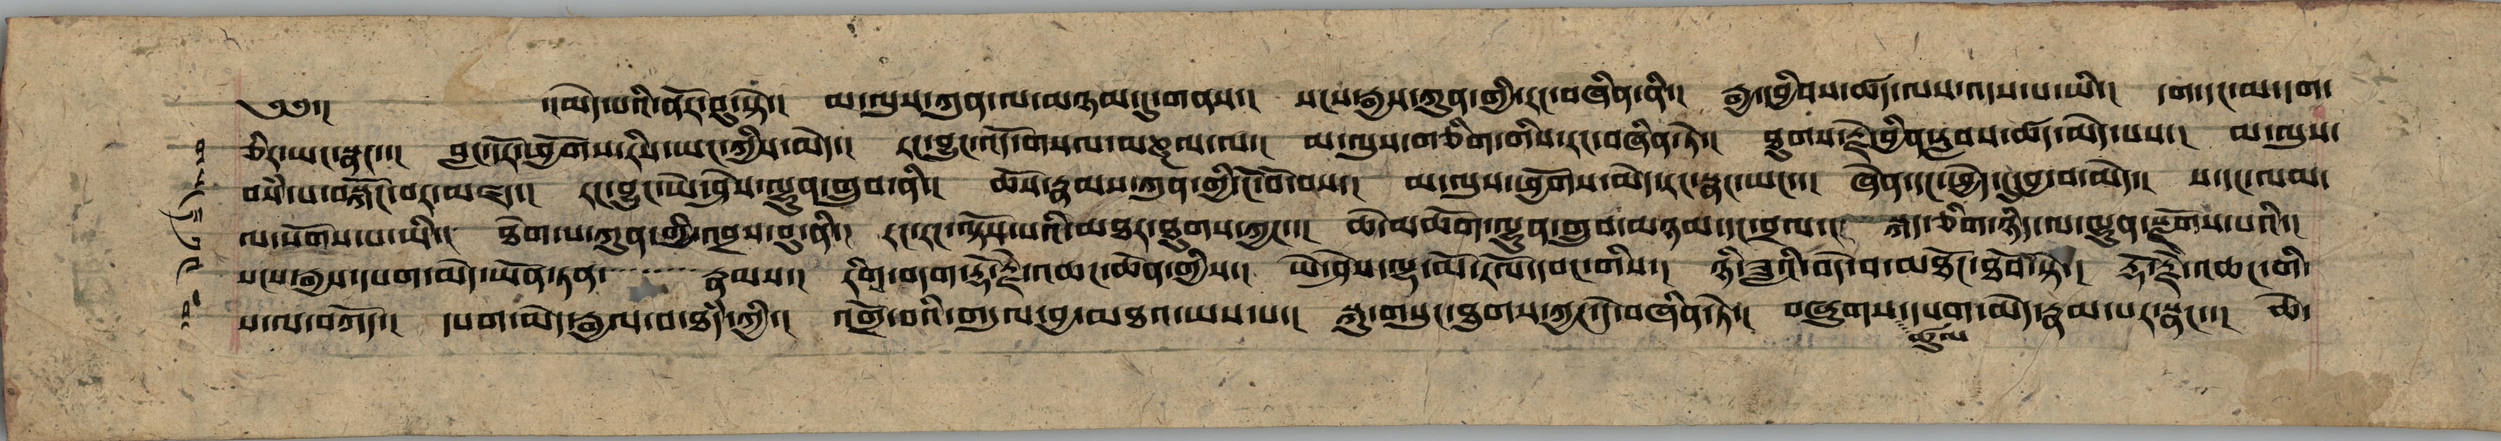༄༅་། ་།མེད་པའི་ནོར་བུ་སྟེ་། མ་ལུས་ཀུན་ལ་མཉམ་དུ་གནས་། སངས་རྒྱས་ཀུན་གྱི་རང་བཞིན་ནི་། རྒྱ་དབྱིབས་ཚད་ལས་འདས་པ་ཡི་། དག་དང་མ་དག་
ཅིར་ཡང་སྣང་་། བླང་དོར་ཕྱོགས་རིས་ཡང་ཀྱིས་མེད་། རང་བྱུང་འོད་གསལ་མཎྜལ་ལ་། མ་ལུས་གཅིག་གིས་རང་བཞིན་ཏེ་། ཐུགས་རྗེ་བྱིན་རླབས་ཚད་མེད་པས་། མ་ལུས་
བསཾ་པ་བསྐོང་བར་མཛད་། རང་བྱུང་ཡེ་ཤེས་ལྷུན་གྲུབ་ནི་། ཆོས་རྣམས་ཀུན་གྱི་ངོ་བོ་བས་། མ་ལུས་ཕྱོགས་མེད་རང་སྣང་ཡང་་། ཞེན་དང་ཕྱེད་དུ་བྱ་བ་མེད་། ས་དང་ལམ་
ལ་སོགས་པ་ཡི་། ཐེག་པ་ཀུན་གྱི་འབྲས་བུ་ནི་། རང་རང་ལྟོས་པའི་མཐར་ཐུགས་ཀྱང་་། ཆེ་མཆོག་ལྷུན་གྲུབ་མཉམ་དང་བྲལ་། སྐད་ཅིག་ཉིད་ལ་ལྷུན་སྫོགས་པའི་།
སངསརྒྱས་དཔག་མེད་ཡོན་ཏན་་་་་་་རྣམས་། རིག་བདག་རྡོ་རྗེ་འཆང་ཆེན་གྱིས་། ཡེ་ཤེས་ལྷ་མོ་རོལ་དབང་གིས་། ཉི་ཟླའི་བདེ་བ་མཐོང་ཐོབ་སྟེ་། རྡོ་རྗེ་འཆང་གི་
ས་ལ་བཀོད་། དཔག་མེད་རྒྱལ་བ་ཐཾད་ཀྱི་། འགྲོ་བའི་གདུལ་བྱ་མཐའ་ཡས་པ་། སྐུ་གསུང་ཐུགས་ཀྱང་དེ་བཞིན་ཏེ་། བཞུགས་ཚུལ་དཔག་མེད་རྣམ་པར་སྣང་་། ཆེ་